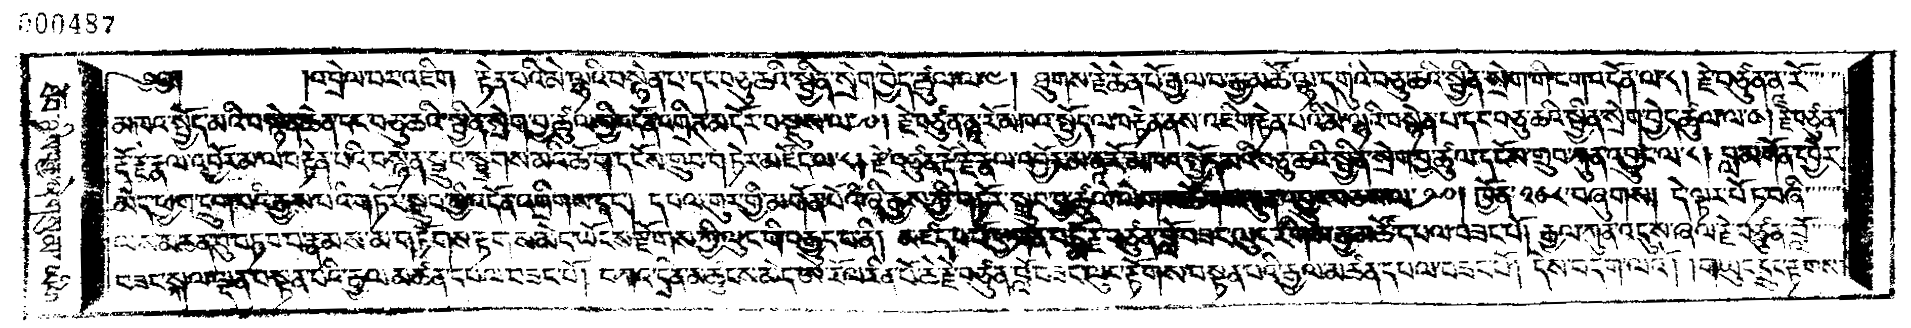༄༅། །འབྲེལ་བར་འཇིག་རྟེན་པའི་མེ་ལྷའི་བསྙེན་པ་དང་ཅུ་ཆའི་སྦྱིན་སྲེག་བྱེད་ཚུལ་ལ ༤། ཐུགས་རྗེ་ཆེན་པོ་རྒྱལ་བ་རྒྱ་མཚོ་ལྷ་དགུའི་བཅུ་ཆའི་སྦྱིན་སྲེག་གི་ངག་འདོན་ལ ༨། རྗེ་བཙུན་ན་རེ་
མཁའ་སྤྱོད་མའི་བསྙེན་ཆེན་དང་བཅུ་ཆའི་སྦྱིན་སྲེག་བྱ་ཚུལ་གྱི་འདོན་འགྲིཌ་མདོར་བསྡུས་ལ༧། རྗེ་བཙུན་ནཱ་རོ་མཁའ་སྤྱོད་ལ་བརྟེན་ནས་འཇིག་རྟེན་པའི་མེ་ལྷའི་བསྙེན་པ་དང་བཅུ་ཆའི་སྦྱིན་སྲེག་བྱེད་ཚུལ་ལ༦། རྗེ་བཙུན་
རྡོ་རྗེ་རྣལ་འབྱོར་མ་ལ་བརྟེན་པའི་བསྙེན་སྒྲུབ་སྦྲགས་མའི་ཆོ་ག་དངོས་གྲུབ་གཏེར་མཛོད་ལ ༨། རྗེ་བཙུན་རྡོ་རྗེ་རྣལ་འབྱོར་མ་ནཱ་རོ་མཁའ་སྤྱོད་མའི་བཅུ་ཆའི་སྦྱིན་སྲེག་བྱ་ཚུལ་དངོས་གྲུབ་ཀུན་འབྱུང་ལ༨། བླ་མགོན་དབྱེར་
མེད་ཕྱག་དྲུག་པའི་རྒྱས་པའི་གཏོར་སྒྲུབ་ཀྱི་འདོན་འགྲིགས་དང་། དཔལ་གུར་གྱི་མགོན་པོའི་ཞི་རྒྱས་ཀྱི་གཏོར་སྒྲུབ་བྱ་ཚུལ་ལེགས་ཚོགས་ཀུན་འབྱུང་བཅས་ལ ༡༧། ཁྱོན ༢༦༨་ཞུགས། དེ་ལྟར་པོ་ཏ་བཞི་
ལས་མཆན་བུ་བཏབ་པ་རྣམས་མ་གཏོགས་རྟགས་མེད་ཡོངས་རྫོགས་ཀྱི་ལུང་གི་བརྒྱུད་པ་ནི། མཛད་པ་པོ་ཕྱག་ན་པདམོ་རྗེ་བཙུན་བློ་བཟང་ལུང་རིགས་རྒྱ་མཚོ་དཔལ་བཟང་པོ། རྒྱལ་ཀུན་འདུས་ཞལ་རྗེ་བཙུན་བློ་
བཟང་སྐལ་ལྡན་བསྟན་པའི་རྒྱལ་མཚན་དཔལ་བཟང་པོ། བཀའ་དྲིན་མཚུངས་མེད་ཨ་རོལ་རིན་པོ་ཆེ་རྗེ་བཙུན་བློ་བཟང་ལུང་རྟོགས་བསྟན་པའི་རྒྱལ་མཚན་དཔལ་བཟང་པོ། དེས་བདག་ལའོ། །གཡུང་དྲུང་རྟགས་